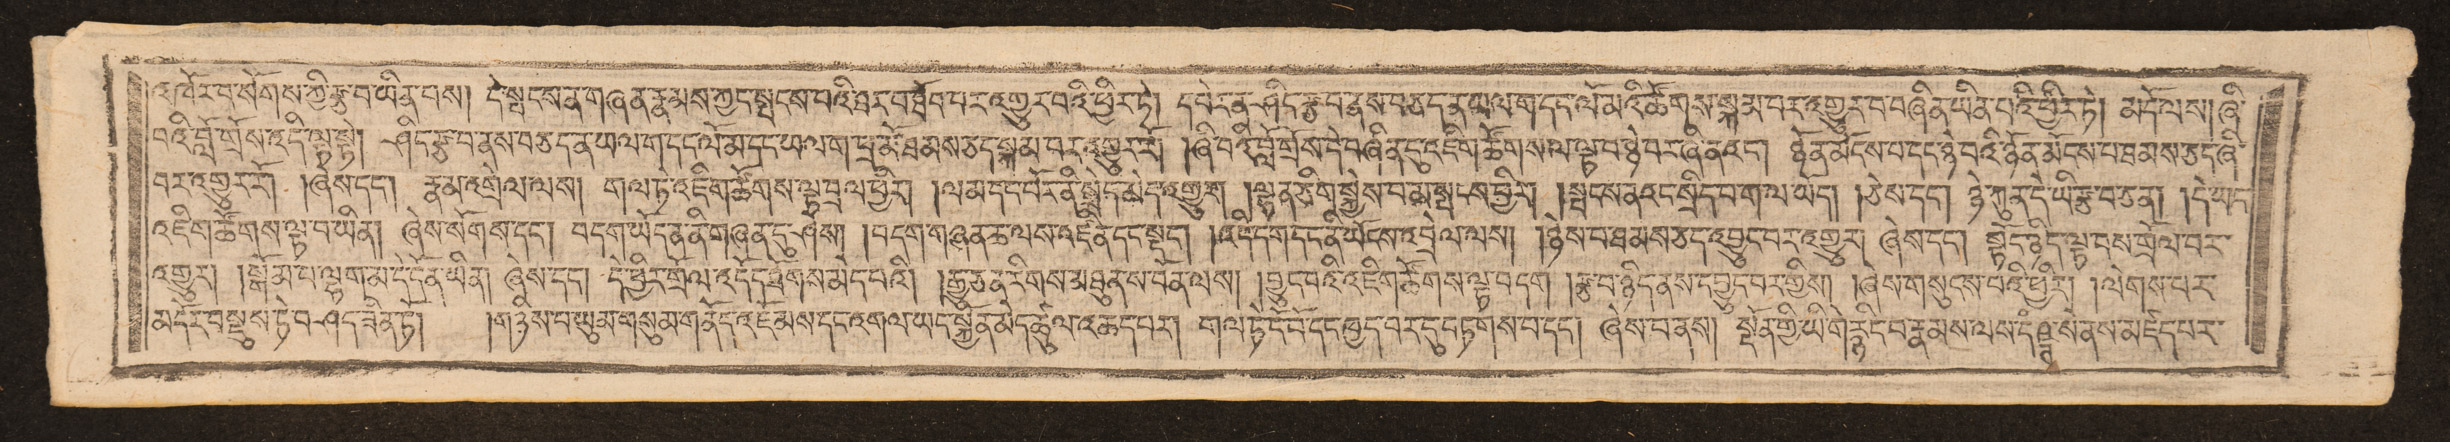འཁོར་བ་སོགས་ཀྱི་རྩ་བ་ཡིན་པས། དེ་སྤངས་ན་གཞན་རྣམས་ཀྱང་སྤངས་པའི་ཐར་བ་ཐོབ་པར་འགྱུར་བའི་ཕྱིར་ཏེ། དཔེར་ན་ཤིང་རྩ་བ་ནས་བཅད་ན་ཡལ་ག་དང་ལོ་མའི་ཚོགས་སྐམ་པར་འགྱུར་བ་བཞིན་ཡིན་པའི་ཕྱིར་ཏེ། མདོ་ལས། ཞི་
བའི་བློ་གྲོས་འདི་ལྟ་སྟེ། ཤིང་རྩ་བ་ནས་བཅད་ན་ཡལ་ག་དང་ལོ་མ་དང་ཡལ་ག་ཕྲ་མོ་ཐམས་ཅད་སྐམ་པར་འགྱུར་རོ། །ཞི་བའི་བློ་གྲོས་དེ་བཞིན་དུ་འཇིག་ཚོགས་ལ་ལྟ་བ་ཉེ་བར་ཞི་ནའང་། ཉོན་མོངས་པ་དང་ཉེ་བའི་ཉོན་མོངས་པ་ཐམས་ཅད་ཞི་
བར་འགྱུར་རོ། །ཞེས་དང་། རྣམ་འགྲེལ་ལས། གལ་ཏེ་འཇིག་ཚོགས་ལྟ་བྲལ་ཕྱིར། །ལམ་དང་པོར་ནི་སྲེད་མེད་འགྱུར། །ལྷན་ཅིག་སྐྱེས་པ་མ་སྤངས་ཕྱིར། །སྤངས་ནའང་སྲིད་པ་ག་ལ་ཡོད། །ཅེས་དང་། ཉེ་ཀུན་དེ་ཡི་རྩ་བ་ཅན། །དེ་ཡང་
འཇིག་ཚོགས་ལྟ་བ་ཡིན། ཞེས་སོགས་དང་། བདག་ཡོད་ན་ནི་གཞན་དུ་ཤེས། །བདག་གཞན་ཆ་ལས་འཛིན་དང་སྡང་། །འདི་དག་དང་ནི་ཡོངས་འབྲེལ་ལས། །ཉེས་པ་ཐམས་ཅད་འབྱུང་བར་འགྱུར། ཞེས་དང་། སྟོང་ཉིད་ལྟ་བས་གྲོལ་བར་
འགྱུར། །སྒོམ་པ་ལྷག་མ་དེ་དོན་ཡིན། ཞེས་དང་། དེ་ཕྱིར་གྲོལ་འདོད་ཐོགས་མེད་པའི། །རྒྱུ་ཅན་རིགས་མཐུན་ས་བོན་ལས། །བྱུང་བའི་འཇིག་ཚོགས་ལྟ་བ་དག །རྩ་བ་ཉིད་ནས་དབྱུང་བར་གྱིས། །ཞེས་གསུངས་པའི་ཕྱིར། །ལེགས་པར་
མདོར་བསྡུས་ཏེ་བཤད་ཟིན་ཏོ། །གཉིས་པ་ཡུམ་གསུམ་གནོད་འཇོམས་དང་འགལ་ཡང་སྐྱོན་མེད་ཚུལ་འཆད་པར། གལ་ཏེ་ངོ་བོ་དང་ཁྱད་པར་དུ་བཏགས་པ་དང་། ཞེས་པ་ནས། སྔོན་གྱི་ཡི་གེ་རྙིང་བ་རྲྣམས་ལས་དཾཥྚ་སེ་ནས་མཛད་པར་